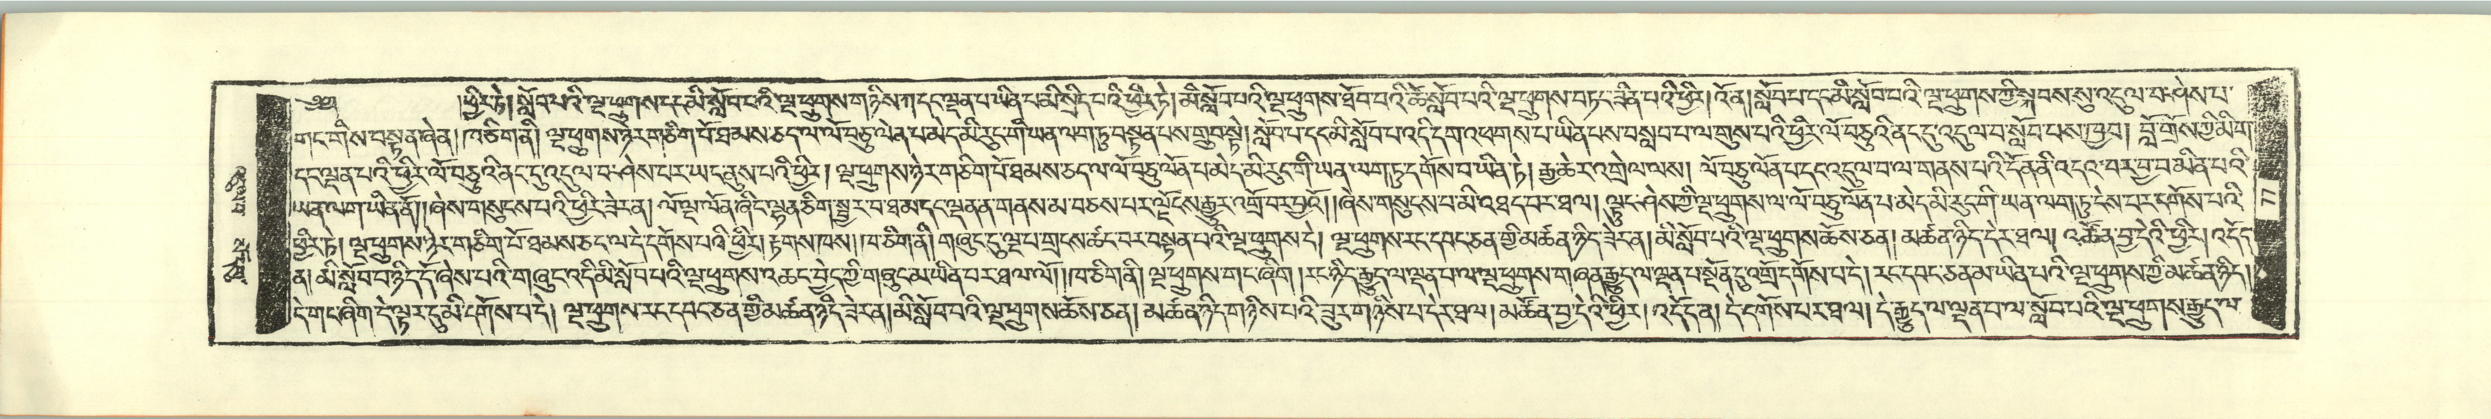༄༅། །ཕྱིར་ཏེ། སློབ་པའི་ལྔ་ཕྲུགས་དང་མི་སློབ་པའི་ལྔ་ཕྲུགས་གཉིས་ཀ་དང་ལྡན་པ་ཡིན་པ་མི་སྲིད་པའི་ཕྱིར་ཏེ། མི་སློབ་པའི་ལྔ་ཕྲུགས་ཐོབ་པའི་ཚེ་སློབ་པའི་ལྔ་ཕྲུགས་བཏང་ཟིན་པའི་ཕྱིར། འོ་ན། སློབ་པ་དང་མི་སློབ་པའི་ལྔ་ཕྲུགས་ཀྱི་སྐབས་སུ་འདུལ་བ་ཤེས་པ་
གང་གིས་བསྟན་ཞེ་ན། ཁ་ཅིག་ནི། ལྔ་ཕྲུགས་ཉེར་གཅིག་པོ་ཐམས་ཅད་ལ་ལོ་བཅུ་ལེན་པ་མེད་མི་རུང་གི་ཡན་ལག་ཏུ་བསྟན་པས་གྲུབ་སྟེ། སློབ་པ་དང་མི་སློབ་པ་འདི་དག་འཕགས་པ་ཡིན་པས་བསླབ་པ་ལ་གུས་པའི་ཕྱིར་ལོ་བཅུའི་ནང་དུ་འདུལ་བ་སློབ་པས་ཁྱབ། བློ་གྲོས་ཀྱི་མིག་
དང་ལྡན་པའི་ཕྱིར་ལོ་བཅུའི་ནང་དུ་འདུལ་བ་ཤེས་པར་ཡང་ནུས་པའི་ཕྱིར། ལྔ་ཕྲུགས་ཉེར་གཅིག་པོ་ཐམས་ཅད་ལ་ལོ་བཅུ་ལོན་པ་མེད་མི་རུང་གི་ཡན་ལག་ཏུ་དགོས་པ་ཡིན་ཏེ། རྒྱ་ཆེར་འགྲེལ་ལས། ལོ་བཅུ་ལོན་པ་དང་འདུལ་བ་ལ་གནས་པའི་དོན་ནི་འདའ་བར་བྱ་བ་མིན་པའི་
ཡན་ལག་ཡིན་ནོ། །ཞེས་གསུངས་པའི་ཕྱིར་ཟེར་ན། ལོ་ལྔ་ལོན་ཞིང་ལྷན་ཅིག་སྦྱར་བ་ཐ་མ་དང་ལྡན་ན་གནས་མ་བཅས་པར་ལྗོངས་རྒྱུར་འགྲོ་བར་བྱའོ། །ཞེས་གསུངས་པ་མི་འཐད་པར་ཐལ། ལྟུང་ཤེས་ཀྱི་ལྔ་ཕྲུགས་ལ་ལོ་བཅུ་ལོན་པ་མེད་མི་རུང་གི་ཡན་ལག་ཏུ་ངེས་པར་དགོས་པའི་
ཕྱིར་ཏེ། ལྔ་ཕྲུགས་ཉེར་གཅིག་པོ་ཐམས་ཅད་ལ་དེ་དགོས་པའི་ཕྱིར། རྟགས་ཁས། ཁ་ཅིག་ནི། གཞུང་དུ་ལྔ་པ་གྲངས་ཚང་བར་བསྟན་པའི་ལྔ་ཕྲུགས་དེ། ལྔ་ཕྲུགས་རང་དབང་ཅན་གྱི་མཚན་ཉིད་ཟེར་ན། མི་སློབ་པའི་ལྔ་ཕྲུགས་ཆོས་ཅན། མཚན་ཉིད་དེར་ཐལ། འཚོན་བྱ་དེའི་ཕྱིར། འདོད་
ན། མི་སློབ་པ་ཉིད་དོ་ཞེས་པའི་གཞུང་འདི་མི་སློབ་པའི་ལྔ་ཕྲུགས་འཆང་བྱེད་ཀྱི་གཞུང་མ་ཡིན་པར་ཐལ་ལོ། །ཁ་ཅིག་ནི། ལྔ་ཕྲུགས་གང་ཞིག །རང་ཉིད་རྒྱུད་ལ་ལྡན་པ་ལ་ལྔ་ཕྲུགས་གཞན་རྒྱུད་ལ་ལྡན་པ་སྔོན་དུ་འགྲོ་དགོས་པ་དེ། རང་དབང་ཅན་མ་ཡིན་པའི་ལྔ་ཕྲུགས་ཀྱི་མཚན་ཉིད།
དེ་གང་ཞིག་དེ་ལྟར་དུ་མི་དགོས་པ་དེ། ལྔ་ཕྲུགས་རང་དབང་ཅན་གྱི་མཚན་ཉིད་ཟེར་ན། མི་སློབ་པའི་ལྔ་ཕྲུགས་ཆོས་ཅན། མཚན་ཉིད་གཉིས་པའི་ཟུར་གཉིས་པ་དེར་ཐལ། མཚོན་བྱ་དེའི་ཕྱིར། འདོད་ན། དེ་དགོས་པར་ཐལ། དེ་རྒྱུད་ལ་ལྡན་པ་ལ་སློབ་པའི་ལྔ་ཕྲུགས་རྒྱུད་ལ་